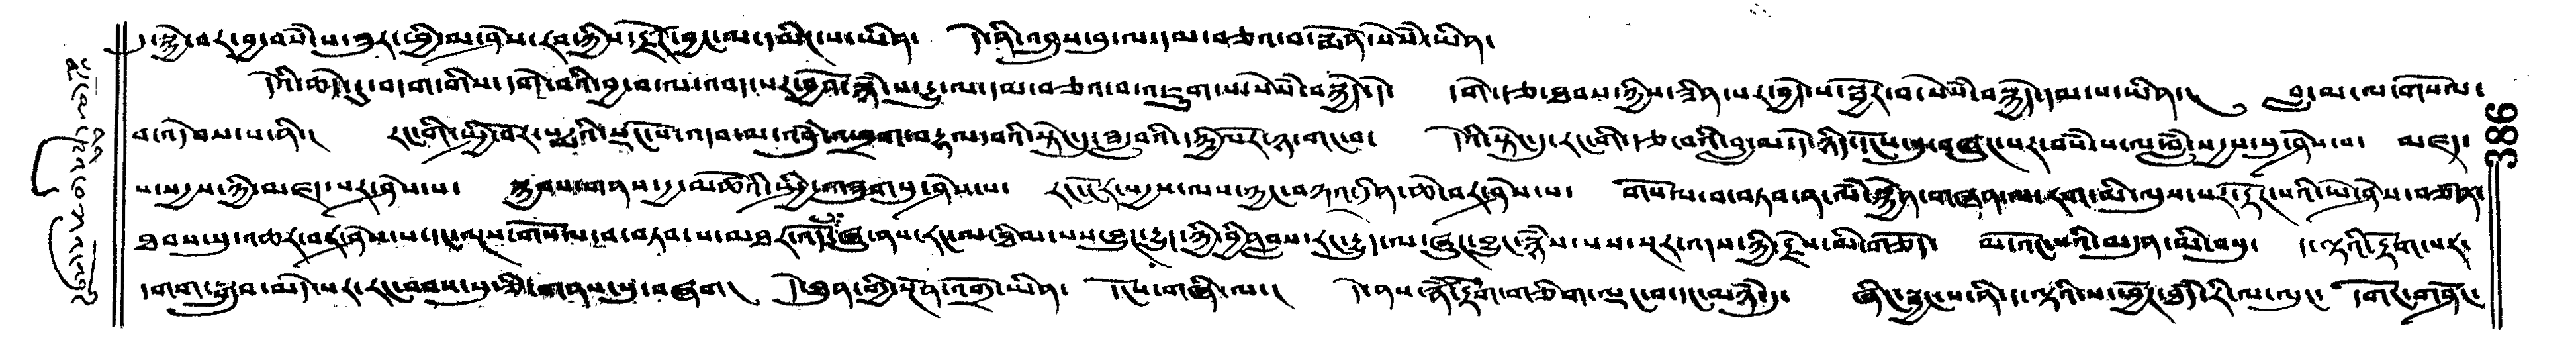དུ་སྐྱེ་བར་བྱ་བསམ་པ་ཟུར་ཕྱི་མ་ཤེས་རབ་ཀྱིས་རྫོགས་བྱང་ལ་དམིགས་པ་ཡིན་པས་དེ་ནི་འབྲས་བུ་ལ་དམ་བཅའ་བ་སྨོན་སེམས་ཡིན། 
དེའི་ཆེད་དུ་བདག་གིས་དགེ་བའི་བྱ་བ་ལ་འབད་པར་བྱའོ་སྙམ་པ་རྒྱུ་ལ་དམ་བཅའ་བ་འཇུག་པ་སེམས་བསྐྱེད་དོ། དགེ་རྩ་ཐབས་ཀྱིས་ཟིན་པར་བྱེད་པ་ནི་སྦྱོར་བ་སེམས་བསྐྱེད་དམ་པ་ཡིན། བླ་མ་ལ་གསོལ་
བ་འདེབས་པ་ནི། རང་གི་སྤྱི་བོར་པདྨའི་སྡོང་པོ་འདབ་མ་འབུམ་ཕྲག་བརྡལ་བའི་སྟེང་དུ་ཟླ་བའི་དཀྱིལ་འཁོར་ཉ་གང་བ།དེའི་སྟེང་དུ་རང་གི་རྩ་བའི་བླ་མ་དེ་ཉིད་དངོས་སུ་བཞུགས་པར་བསམ་པ་ལ་བླ་མ་སངས་རྒྱས་སུ་ཤེས་པ། མཛད་
པ་སངས་རྒྱས་ཀྱི་མཛད་པར་ཤེས་པ། སྐྱབས་གནས་རྒྱ་མཚོའི་སྤྱི་གཟུགས་སུ་ཤེས་པ། རང་ངོར་སངས་རྒྱས་ལས་ཀྱང་བཀའ་དྲིན་ཆེ་བར་ཤེས་པ། གསོལ་བ་བཏབ་ན་ལམ་རྐྱེན་གཞན་ལ་རག་མ་ལས་པར་རྟོགས་པའི་ཡེ་ཤེས་བཙན་
ཐབས་སུ་འཆར་བར་ཤེས་པ་དང་ལྔས་གསོལ་བ་བཏབ་པའི་མཐར་འོད་དུ་ཞུ་ནས་རང་ལ་ཐིམ་པས་ཐུགས་རྒྱུད་ཀྱི་བྱིན་རླབས་རང་རྒྱུད་ལ་ཞུགས་བྱུང་སྙམ་པས་སྔར་འདས་ཀྱི་རྗེས་མི་གཅོད། མ་འོངས་པའི་མདུན་མི་བསུ། ད་ལྟའི་རྟོག་པར་
དགག་སྒྲུབ་མེད་པར་རང་བབས་ཅི་གནས་སུ་བཞག དེ་ཐུན་གྱི་སྔོན་འགྲོ་ཡིན། དངོས་གཞི་ལ། དེ་ནས་རྣམ་རྟོག་གཅིག་ལྡང་བ་དང་མཉམ་དུ་ཞིང་སྦྱོང་པ་ནི་ད་ལྟའི་ས་ཕྱོགས་ཐམས་ཅད་རི་ལུང་གང་གཤོང་།